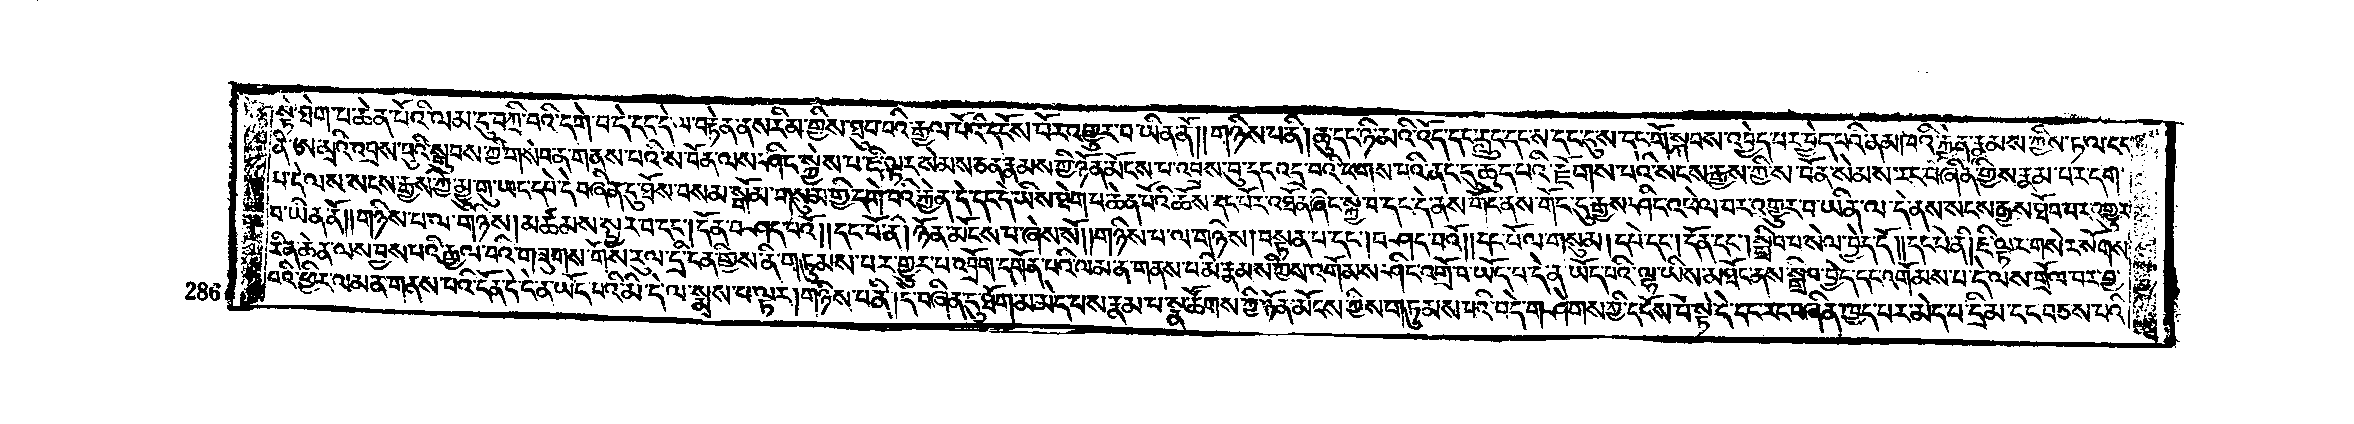སྟེ་ཐེག་པ་ཆེན་པོའི་ལམ་དུ་བཀྲི་བའི་དགེ་བ་དེ་དང་དེ་ལ་བརྟེན་ནས་རིམ་གྱིས་ཐུབ་པའི་རྒྱལ་པོའི་དངོས་པོར་འགྱུར་བ་ཡིན་ནོ། །གཉིས་པ་ནི། ཆུ་དང་ཉི་མའི་འོད་དང་རླུང་དང་ས་དང་དུས་དང་གོ་སྐབས་འབྱེད་པར་བྱེད་པའི་ནམ་མཁའི་རྐྱེན་རྣམས་ཀྱིས་ཏ་ལ་དད་
ནི་ཨ་མྲའི་འབྲས་བུའི་སྒྲུབས་ཀྱི་གསེབ་ན་གནས་པའི་ས་བོན་ལས་ཤིང་སྐྱེས་པ་ཇི་ལྟར་སེམས་ཅན་རྣམས་ཀྱི་ཉོན་མོངས་པ་འབྲས་བུ་དང་འདྲ་བའི་ཕགས་པའི་ནང་དུ་ཆུད་པའི་རྫོགས་པའི་སངས་རྒྱས་ཀྱི་ས་བོན་སེམས་རང་བཞིན་གྱིས་རྣམ་པར་དག་
པ་དེ་ལས་སངས་རྒྱས་ཀྱི་མྱུ་གུ་ཡང་དཔེ་དེ་བཞིན་དུ་ཐོས་བསམ་སྒོམ་གསུམ་གྱི་དགེ་བའི་རྐྱེན་དེ་དང་དེ་ཡིས་ཐེག་པ་ཆེན་པོའི་ཆོས་དང་པོར་འཐོན་ཞིང་སྐྱེ་བ་དང་དེ་ནས་གོང་ནས་གོང་དུ་རྒྱས་ཤིང་འཕེལ་བར་འགྱུར་བ་ཡིན་ལ་དེ་ནས་སངས་རྒྱས་ཐོབ་པར་འགྱུར་
བ་ཡིན་ནོ། །གཉིས་པ་ལ་གཉིས། མཚམས་སྦྱར་བ་དང་། དོན་བཤད་པའོ། །དང་པོ་ནི། ཉོན་མོངས་པ་ཞེས་སོ། །གཉིས་པ་ལ་གཉིས། བསྟན་པ་དང་། བཤད་པའོ། །དང་པོ་ལ་གསུམ། དཔེ་དང་། དོན་དང་། སྒྲིབ་པ་སེལ་བྱེད་དོ། །དང་པོ་ནི། ཇི་ལྟར་གསེར་སོགས་
རིན་ཆེན་ལས་བྱས་པའི་རྒྱལ་བའི་གཟུགས་གོས་རུལ་དྲི་ངན་གྱིས་ནི་གཏུམས་པར་གྱུར་པ་འབྲོག་དགོན་པའི་ལམ་ན་གནས་པ་མི་རྣམས་ཀྱིས་འགོམས་ཤིང་འགྲོ་བ་ཡོད་པ་དེ་ན་ཡོད་པའི་ལྷ་ཡིས་མཐོང་ནས་སྒྲིབ་བྱེད་དང་འགོམས་པ་དེ་ལས་གྲོལ་བར་བྱ་
བའི་ཕྱིར་ལམ་ན་གནས་པའི་དོན་དེ་དེ་ན་ཡོད་པའི་མི་དེ་ལ་སྨྲས་པ་ལྟར། གཉིས་པ་ནི། དེ་བཞིན་དུ་ཐོག་མ་མེད་པས་རྣམ་པ་སྣ་ཚོགས་ཀྱི་ཉོན་མོངས་ཀྱིས་གཏུམས་པའི་བདེ་གཤེགས་ཀྱི་དངོས་པོ་སྟེ་དེ་དང་རང་བཞིན་ཁྱད་པར་མེད་པ་དྲི་མ་དང་བཅས་པའི་